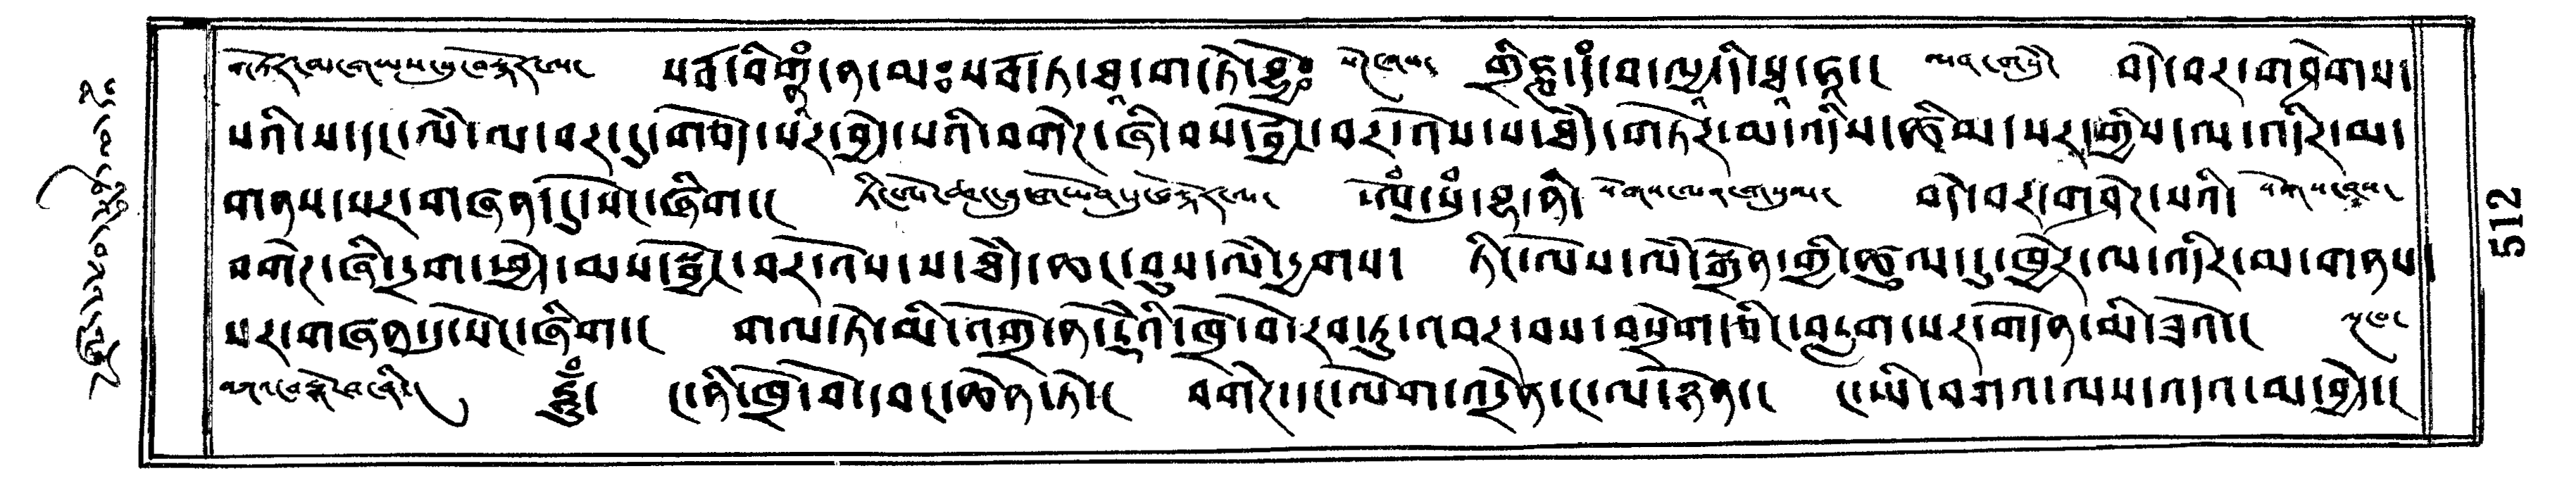གཏོར་མ་གཡས་སུ་བསྐོར་ལ། སརྦ་བིགྷཱཾ་ན་མཿསརྦ་ཏ་ཐཱ་ག་ཏེ་བྷྱོ༴ སོགས་ནས། གྲི་ཧྞ་དཾ་བ་ལྱཱ་དི་སྭ་ཧཱ། ལན་གསུམ། བདེ་བར་གཤེགས་
པའི་ས་དང་ལམ་ལ་བར་དུ་གཅོད་པར་བྱེད་པའི་བགེགས་ཞི་བས་སྦྱོང་པར་འོས་པ་ཐམས་ཅད་གཏོར་མ་འདིས་ཚིམ་པར་གྱིས་ལ་འདིར་མ་
གནས་པར་གཞན་དུ་སོང་ཞིག ཏིང་ལོ་ཆང་བུ་གཡོན་དུ་བསྐོར་ལ། ཨོཾ་སུཾ་བྷ་ནི༴ སོགས་ལན་གསུམ། བདེ་བར་གཤེགས་པའི༴ སོགས་ནས། 
བགེགས་ཞི་དྲག་ཕྱེད་མས་སྦྱོང་བར་འོས་པ་ཐམས་ཅད་ཆང་བུས་ལམ་རྒྱགས། ཏིང་ལོས་ལམ་སྒྲོན་གྱི་ཚུལ་དུ་ཁྱེར་ལ་འདིར་མ་གནས་
པར་གཞན་དུ་སོང་ཞིག གལ་ཏེ་མི་འགྲོ་ན་རྡོ་རྗེའི་ཁྲོ་བོ་རབ་ཏུ་འབར་བས་བསྲེག་ཅིང་བརླག་པར་གདོན་མི་ཟའོ། ལྔ་པ་
བཀའ་བསྒོ་བ་ནི། ཧཱུྃ༔ ང་ནི་ཁྲོ་བོ་དབང་ཆེན་ཏེ༔ བགེགས་དང་ལོག་འདྲེན་ང་ལ་ཉོན༔ ང་ཡི་བཀའ་ལས་འདའ་མ་བྱེད༔